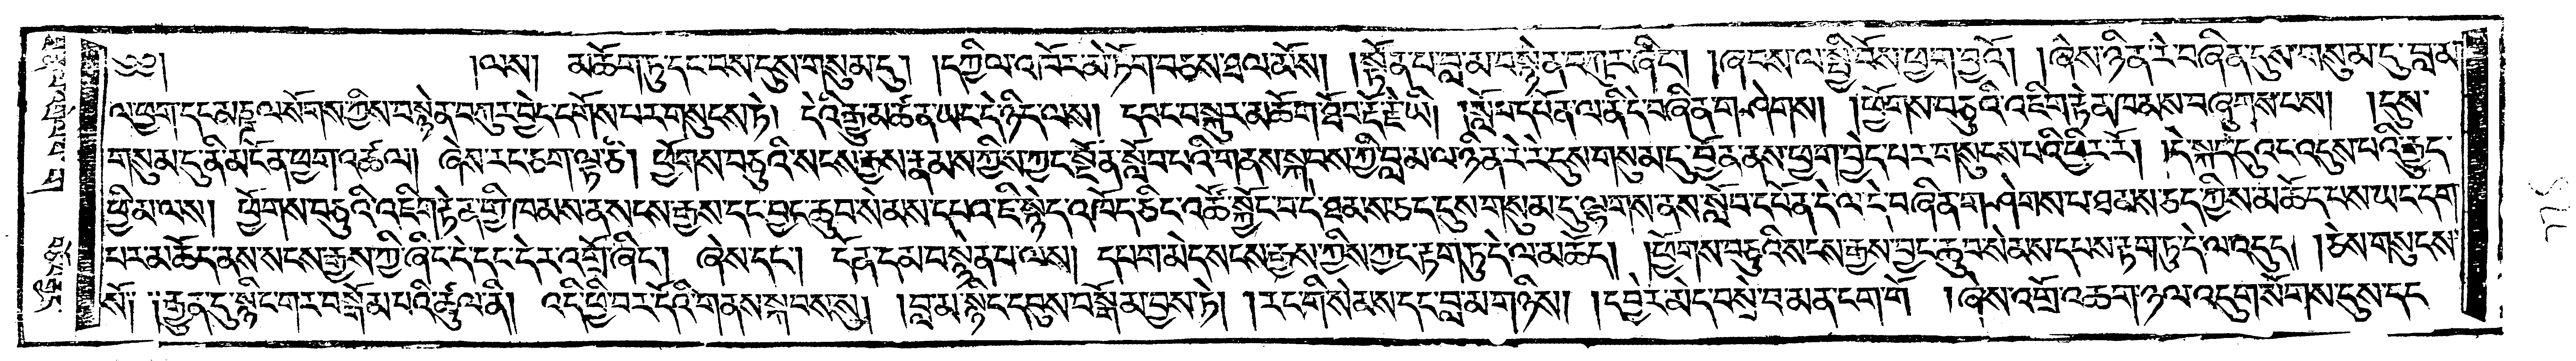༄༅། །ལས། མཆོག་ཏུ་དང་བས་དུས་གསུམ་དུ། །དཀྱིལ་འཁོར་མེ་ཏོག་བཅས་ཐལ་མོས། །སྟོན་པ་བླ་མ་བསྙེན་བཀུར་ཞིང་། །ཞབས་ལ་སྤྱི་བོས་ཕྱག་བྱའོ། །ཞེས་ཉིན་རེ་བཞིན་དུས་གསུམ་དུ་བླ་མ་
ལ་ཕྱག་དང་མཎྜལ་སོགས་ཀྱིས་བསྙེན་བཀུར་བྱེད་དགོས་པར་གསུངས་ཏེ། དེའི་རྒྱུ་མཚན་ཡང་དེ་ཉིད་ལས། དབང་བསྐུར་མཆོག་ཐོབ་རྡོ་རྗེ་ཡི། །སློབ་དཔོན་ལ་ནི་དེ་བཞིན་གཤེགས། །ཕྱོགས་བཅུའི་འཇིག་རྟེན་ཁམས་བཞུགས་པས། །དུས་
གསུམ་དུ་ནི་མངོན་ཕྱག་འཚལ། ཞེས་རང་ཅག་ལྟ་ཅི། ཕྱོགས་བཅུའི་སངས་རྒྱས་རྣམས་ཀྱིས་ཀྱང་སྔོན་སློབ་པའི་གནས་སྐབས་ཀྱི་བླ་མ་ལ་ཉིན་རེ་རེ་དུས་གསུམ་དུ་བྱོན་ནས་ཕྱག་བྱེད་པར་གསུངས་པའི་ཕྱིར་རོ། །དེ་སྐད་དུའང་འདུས་པའི་རྒྱུད་
ཕྱིར་ལས། ཕྱོགས་བཅུའི་འཇིག་རྟེན་གྱི་ཁམས་ན་སངས་རྒྱས་དང་བྱང་ཆུབ་སེམས་དཔའ་ཇི་སྙེད་འཁོད་ཅིང་འཚོ་སྐྱོང་བ་དེ་ཐམས་ཅད་དུས་གསུམ་དུ་ལྷགས་ནས་སློབ་དཔོན་དེ་ལ་དེ་བཞིན་གཤེགས་པ་ཐམས་ཅད་ཀྱིས་མཆོད་པས་ཡང་དག་
པར་མཆོད་ནས་སངས་རྒྱས་ཀྱི་ཞིང་དེ་དང་དེར་འགྲོ་ཞིང་། ཞེས་དང་། དོན་དམ་བསྙེན་པ་ལས། དཔག་མེད་སངས་རྒྱས་ཀྱིས་ཀྱང་རྟག་ཏུ་དེ་ལ་མཆོད། །ཕྱོགས་བཅུའི་སངས་རྒྱས་བྱང་ཆུབ་སེམས་དཔས་རྟག་ཏུ་དེ་ལ་འདུད། །ཅེས་གསུངས་
སོ༑ ༑རྒྱུན་དུ་སྙིང་གར་བསྒོམ་པའི་ཚུལ་ནི། འདི་ཕྱི་བར་དོའི་གནས་སྐབས་སུ། །བླ་མ་སྙིང་དབུས་བསྒོམ་བྱས་ཏེ། །རང་གི་སེམས་དང་བླ་མ་གཉིས། །དབྱེར་མེད་བསྲུབ་མན་ངག་གོ །ཞེས་འགྲོ་འཆག་ཉལ་འདུག་སོགས་དུས་དང་